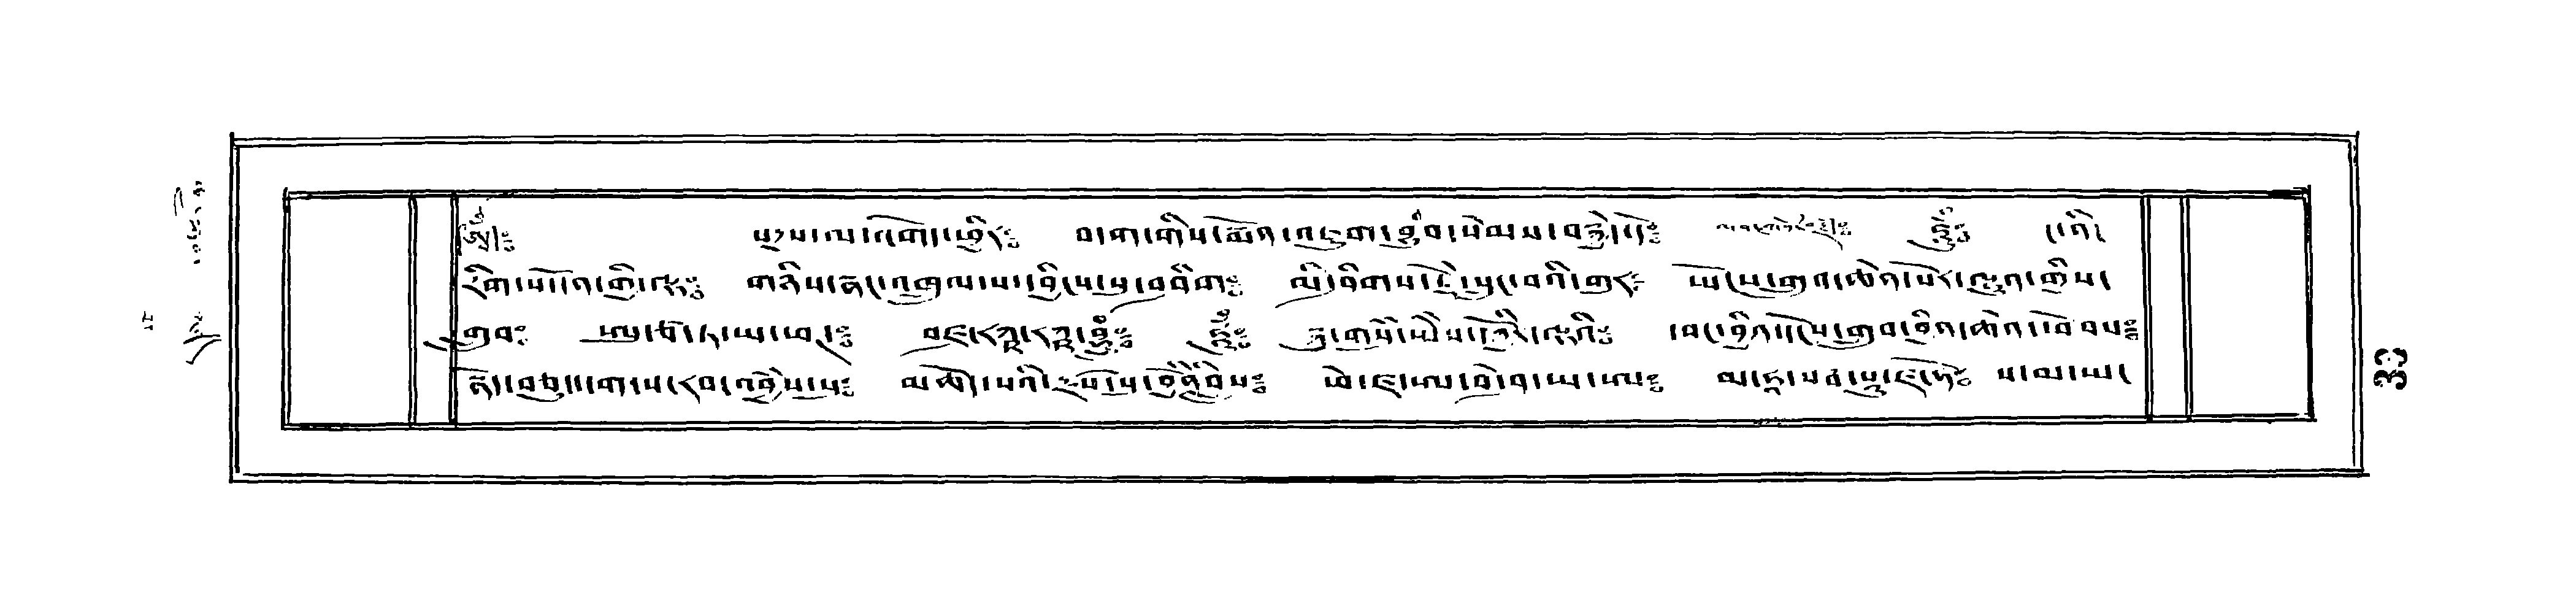སངས་རྒྱས་ལ་འགོད་ཕྱིར༔ བདག་གིས་སྨོན་འཇུག་བྱང་ཆུབ་སེམས་བསྐྱེད་དོ༔ ལན་གསུམ་བརྗོད༔ ཧཱུྃ༔ ང་ནི་
རིག་པ་དོན་གྱི་ལྷ༔ གཉིས་སྣང་འཁྲུལ་པ་དབྱིངས་སུ་བཤིག༔ མི་ཤིགས་རྡོ་རྗེ་སྲུང་བའི་གུར༔ ཡོངས་གྲུབ་ཆེན་པོར་ལྷུན་གྱིས་
གྲུབ༔ ཨུ་ཙ་ཏ་ཡ་ཕཊ༔ བཛྲ་རཀྵ་རཀྵ་བྷྲཱུྃ༔ ཧཱུྃ༔ སྐུ་གསུམ་ཡེ་ཤེས་དཀྱིལ་འཁོར་ལྷའི༔ དབང་བྱིན་དངོས་གྲུབ་བྱིན་ཆེན་ཕོབས༔ 
སྣོད་བཅུད་དག་པ་རབ་འབྱམས་སུ༔ མཆོད་པའི་རྫས་སུ་བྱིན་གྱིས་རློབས༔ ཕེཾ་ཛ་ཨ་བེ་ཤ་ཡ་ཨ༔ མ་ཧཱ་སརྦ་པཱུ་ཛ་ཧོ༔ ས་མ་ཡ་